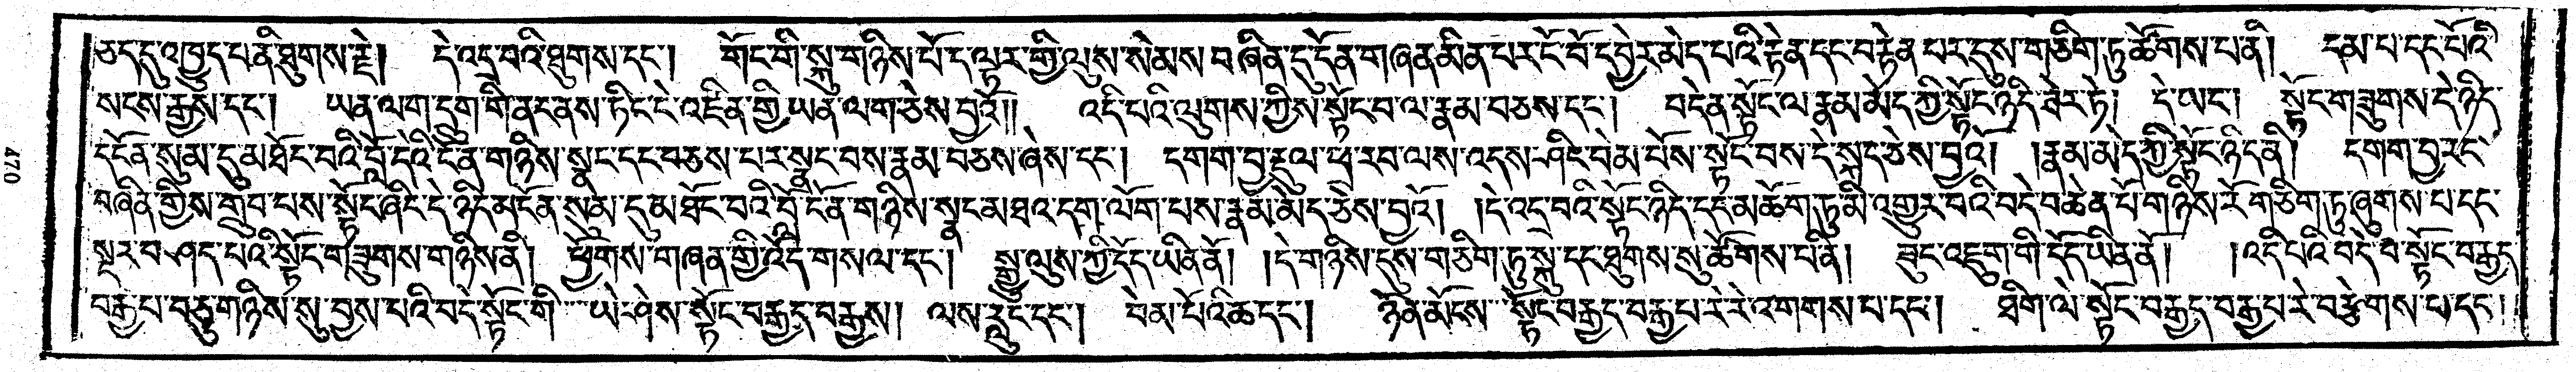ཅད་དུ་འཁྱུད་པ་ནི་ཐུགས་རྗེ། དེ་འདྲ་བའི་ཐུགས་དང་། གོང་གི་སྐུ་གཉིས་པོ་ད་ལྟར་གྱི་ལུས་སེམས་བཞིན་དུ་དོན་གཞན་མིན་པར་ངོ་བོ་དབྱེར་མེད་པའི་རྟེན་དང་བརྟེན་པར་དུས་གཅིག་ཏུ་ཚོགས་པ་ནི། དམ་པ་དང་པོའི་
སངས་རྒྱས་དང་། ཡན་ལག་དྲུག་གི་ནང་ནས་ཏིང་ངེ་འཛིན་གྱི་ཡན་ལག་ཅེས་བྱའོ།། འདི་པའི་ལུགས་ཀྱིས་སྟོང་བ་ལ་རྣམ་བཅས་དང་། བདེན་སྟོང་ལ་རྣམ་མེད་ཀྱི་སྟོང་ཉིད་ཟེར་ཏེ། དེ་ཡང་། སྟོང་གཟུགས་དེ་ཉིད་
དངོན་སུམ་དུ་མཐོང་བའི་བློ་དེའི་ངོ་ན་གཉིས་སྣང་དང་བཅས་པར་སྣང་བས་རྣམ་བཅས་ཞེས་དང་། དགག་བྱ་རྔུལ་ཕྲ་རབ་ལས་འདས་ཤིང་བེམ་པོས་སྟོང་པས་དེ་སྐད་ཅེས་བྱའོ། །རྣམ་མེད་ཀྱི་སྟོང་ཉིད་ནི། དགག་བྱ་རང་
བཞིན་གྱིས་གྲུབ་པས་སྟོང་ཞིང་དེ་ཉིད་མངོན་སུམ་དུ་མཐོང་བའི་བློ་ངོ་ན་གཉིས་སྣང་མཐའ་དག་ལོག་པས་རྣམ་མེད་ཅེས་བྱའོ། །དེ་འདྲ་བའི་སྟོང་ཉིད་དང་མཆོག་ཏུ་མི་འགྱུར་བའི་བདེ་བ་ཆེན་པོ་གཉིས་རོ་གཅིག་ཏུ་ཞུགས་པ་དང་
སྔར་བཤད་པའི་སྟོང་གཟུགས་གཉིས་ནི། ཕྱོགས་གཞན་གྱི་འོད་གསལ་དང་། སྒྱུ་ལུས་ཀྱི་དོད་ཡིན་ནོ། །དེ་གཉིས་དུས་གཅིག་ཏུ་སྐུ་དང་ཐུགས་སུ་ཚོགས་པ་ནི། ཟུང་འཇུག་གི་དོད་ཡིན་ནོ། །འདི་པའི་བདེ་བ་སྟོང་བརྒྱད་
བརྒྱ་པ་བཅུ་གཉིས་སུ་བྱས་པའི་བདེ་སྟོང་གི་ཡེ་ཤེས་སྟོང་བརྒྱད་བརྒྱས། ལས་རླུང་དང་། བེམ་པོའི་ཆ་དང་། ཉོན་མོངས་སྟོང་བརྒྱད་བརྒྱ་པ་རེ་རེ་འགགས་པ་དང་། ཐེག་ལོ་སྟོང་བརྒྱད་བརྒྱ་པ་རེ་བརྩེགས་པ་དང།།